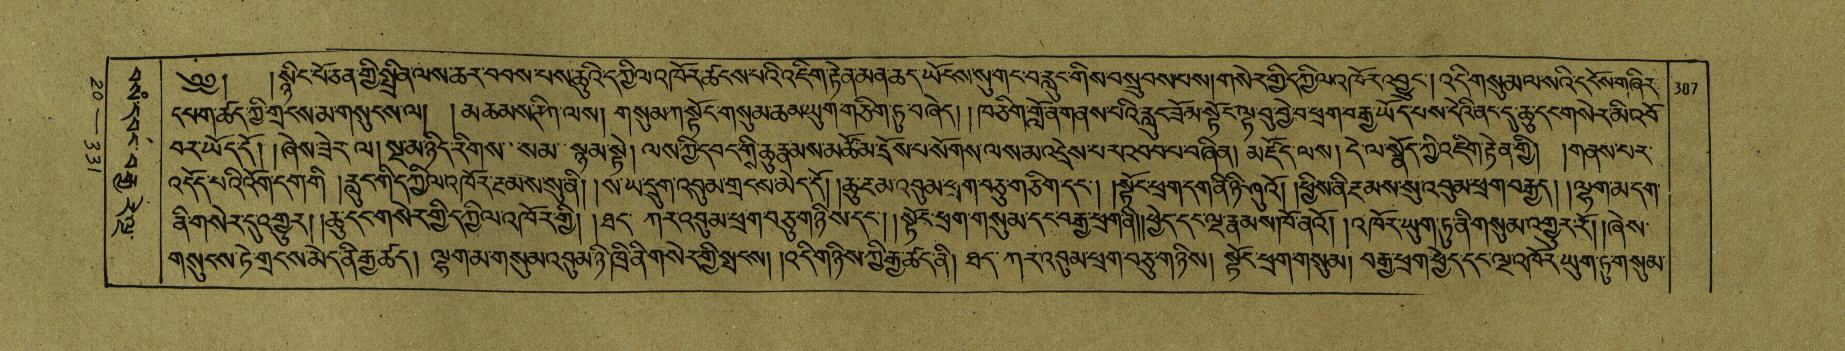༄༅། །སྙིང་པོ་ཅན་གྱི་སྤྲིན་ལས་ཆར་བབས་པས་ཆུའི་དཀྱིལ་འཁོར་ཚངས་པའི་འཇིག་རྟེན་མན་ཆད་ཡོངས་སུ་གང་བ་རླུང་གིས་བསྲུབས་པས། གསེར་གྱི་དཀྱིལ་འཁོར་འབྱུང་། འདི་གསུམ་ལ་སའི་དངོས་གཞིར་
དཔག་ཚད་ཀྱི་གྲངས་མ་གསུངས་ལ། །མཆམས་ཊིཀ་ལས། གསུམ་ཀ་སྟོང་གསུམ་ཆམ་ཡུག་གཅིག་ཏུ་བཞེད། །ཁ་ཅིག་གློ་ན་གནས་པའི་རླུང་ཟོམ་སྟོང་ལྟ་བུ་བྱེ་བ་ཕྲག་བརྒྱ་ཡོད་པས་དེའི་ནང་དུ་ཆུ་དང་གསེར་མི་འབོ་
བར་ཡོད་དོ། །ཞེས་ཟེར་ལ། སྔ་མ་ཉིད་རིགས་སམ་སྙམ་སྟེ། ལས་ཀྱི་དབང་གིས་ཆུ་རྣམས་མཚོ་མ་དྲོས་པ་སོགས་ལས་མ་འདྲེས་པར་འབབ་པ་བཞིན། མཛོད་ལས། དེ་ལ་སྣོད་ཀྱི་འཇིག་རྟེན་གྱི། །གནས་པར་
འདོད་པའི་འོག་དག་གི །རླུང་གི་དཀྱིལ་འཁོར་རྔམས་སུ་ནི། །ས་ཡ་དྲུག་འབུམ་གྲངས་མེད་དོ། །ཆུ་རྡམ་འབུམ་ཕྲག་བཅུ་གཅིག་དང་། །སྟོང་ཕྲག་དག་ནི་ཉི་ཤུའོ། །ཕྱིས་ནི་རྔམས་སུ་འབུམ་ཕྲག་བརྒྱད། །ལྷག་མ་དག་
ནི་གསེར་དུ་འགྱུར། །ཆུ་དང་གསེར་གྱི་དཀྱིལ་འཁོར་གྱི། །ཐད་ཀར་འབུམ་ཕྲག་བཅུ་གཉིས་དང་། །སྟོང་ཕྲག་གསུམ་དང་བརྒྱ་ཕྲག་ནི། །ཕྱེད་དང་ལྔ་རྣམས་ཁོ་ནའོ། །འཁོར་ཡུག་ཏུ་ནི་གསུམ་འགྱུར་རོ། །ཞེས་
གསུངས་ཏེ་གྲངས་མེད་ནི་རྒྱ་ཚད། ལྷག་མ་གསུམ་འབུམ་ཉི་ཁྲི་ནི་གསེར་གྱི་སྤངས། །འདི་གཉིས་ཀྱི་རྒྱ་ཚད་ནི། ཐད་ཀར་འབུམ་ཕྲག་བཅུ་གཉིས། སྟོང་ཕྲག་གསུམ། བརྒྱ་ཕྲག་ཕྱེད་དང་ལྔ་འཁོར་ཡུག་ཏུ་གསུམ་